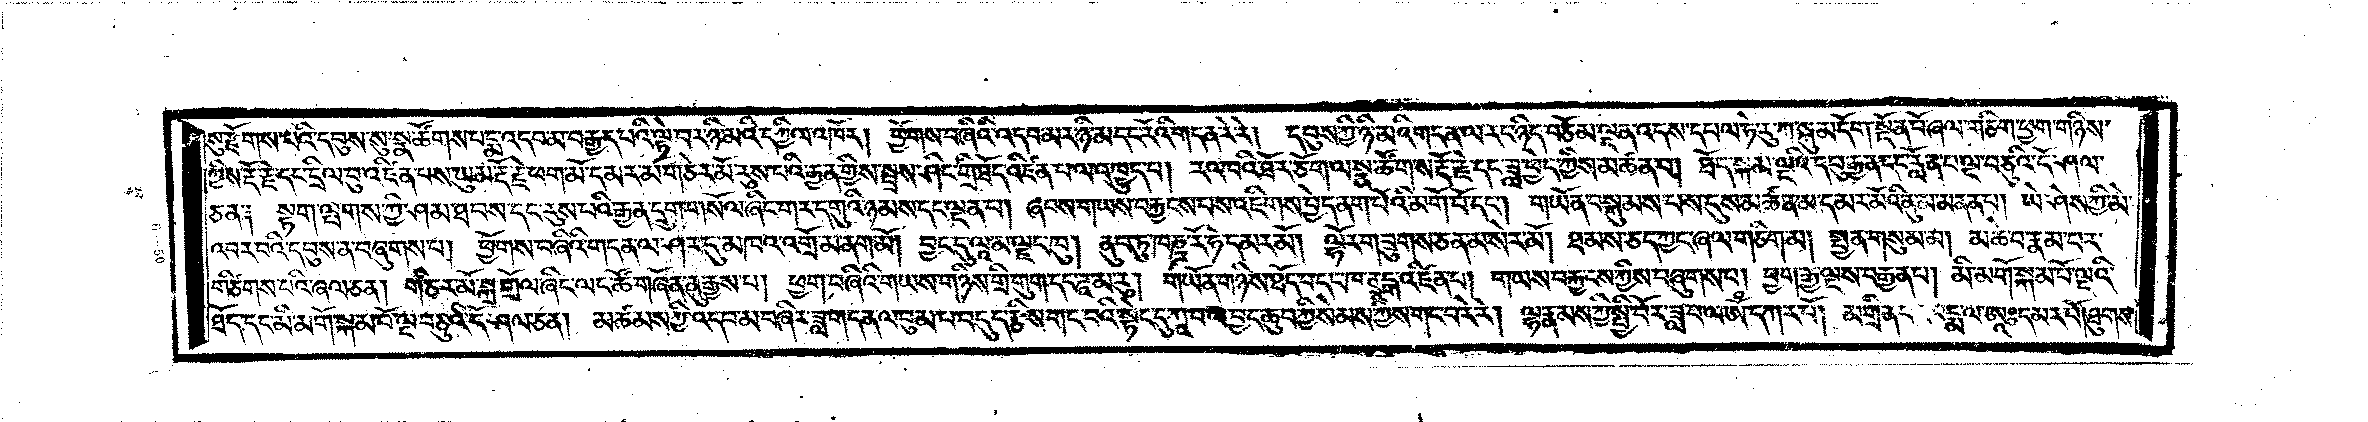སུ་རྫོགས་པའི་དབུས་སུ་སྣ་ཚོགས་པདམ་འདབ་མ་བརྒྱད་པའི་ལྟེ་བར་ཉི་མའི་དཀྱིལ་འཁོར། ཕྱོགས་བཞིའི་འདབ་མར་ཉི་མ་དང་རོའི་གདན་རེ་རེ། དབུས་ཀྱི་ཉི་མའི་གདན་ལ་རང་ཉིད་བཅོམ་ལྡན་འདས་དཔལ་ཧེ་རུ་ཀ་སྐུ་མདོག་སྔོན་པོ་ཞལ་གཅིག་ཕྱག་གཉིས་
ཀྱིས་རྡོ་རྗེ་དང་དྲིལ་བུ་འཛིན་པས་ཡུམ་རྡོ་རྗེ་ཕག་མོ་དམར་མ་གཅེར་མོ་རུས་པའི་རྒྱན་གྱིས་སྦྲས་ཤིང་གྲི་ཐོད་འཛིན་པ་ལ་འཁྱུད་པ། རལ་བའི་ཐོར་ཅོག་ལ་སྣ་ཚོགས་རྡོ་རྗེ་དང་ཟླ་ཕྱེད་ཀྱིས་མཚན་པ། ཐོད་སྐམ་ལྔའི་དབུ་རྒྱན་དང་རློན་པ་ལྔ་བཅུའི་དོ་ཤལ་
ཅན༑ སྟག་ལྤགས་ཀྱི་ཤམ་ཐབས་དང་རུས་པའི་རྒྱན་དྲུག་གསོལ་ཞིང་གར་དགུའི་ཉམས་དང་ལྡན་པ། ཞབས་གཡས་བརྐྱངས་པས་འཇིགས་བྱེད་ནག་པོའི་མགོ་བོ་དང་། གཡོན་བསྐུམས་པས་དུས་མཚན་མ་དམར་མོའི་ནུ་མ་མནན་པ། ཡེ་ཤེས་ཀྱི་མེ་
འབར་བའི་དབུས་ན་བཞུགས་པ། ཕྱོགས་བཞིའི་གདན་ལ་ཤར་དུ་མཁའ་འགྲོ་མ་ནག་མོ། བྱང་དུ་ལཱ་མ་ལྗང་ཁུ། ནུབ་ཏུ་ཁཎྜ་རོ་ཧེ་དམར་མོ། ལྷོར་གཟུགས་ཅན་མ་སེར་མོ། ཐམས་ཅད་ཀྱང་ཞལ་གཅིག་མ། སྤྱན་གསུམ་མ། མཆེ་བ་རྣམ་པར་
གཙིགས་པའི་ཞལ་ཅན། གཅིར་མོ་སྐྲ་གྲོལ་ཞིང་ལང་ཚོ་གཞོན་ནུ་རྒྱས་པ། ཕྱག་བཞིའི་གཡས་གཉིས་གྲི་གུག་དང་ཌཱ་མ་རུ། གཡོན་གཉིས་ཐོད་པ་དང་ཁ་ཊཱངྒ་འཛིན་པ། གཡས་བརྐྱངས་ཀྱིས་བཞུགས་པ། ཕྱག་རྒྱ་ལྔས་བརྒྱན་པ། མི་མགོ་སྐམ་པོ་ལྔའི་
ཐོད་དང་མི་མགོ་སྐམ་པོ་ལྔ་བཅུའི་དོ་ཤལ་ཅན། མཚམས་ཀྱི་འདབ་མ་བཞིར་ཟླ་གདན་ལ་བུམ་པ་བདུད་རྩིས་གང་བའི་སྟེང་དུ་ཀཱ་བ་ལ་བྱང་ཆུབ་ཀྱི་སེམས་ཀྱིས་གང་བ་རེ་རེ། ལྷ་རྣམས་ཀྱི་སྤྱི་བོར་ཟ་ལ་བ་ལ་ཨོཾ་དཀར་པོ། མགྲིན་པར་པདམ་ལ་ཨཱཿདམར་པོ། ཐུགས་